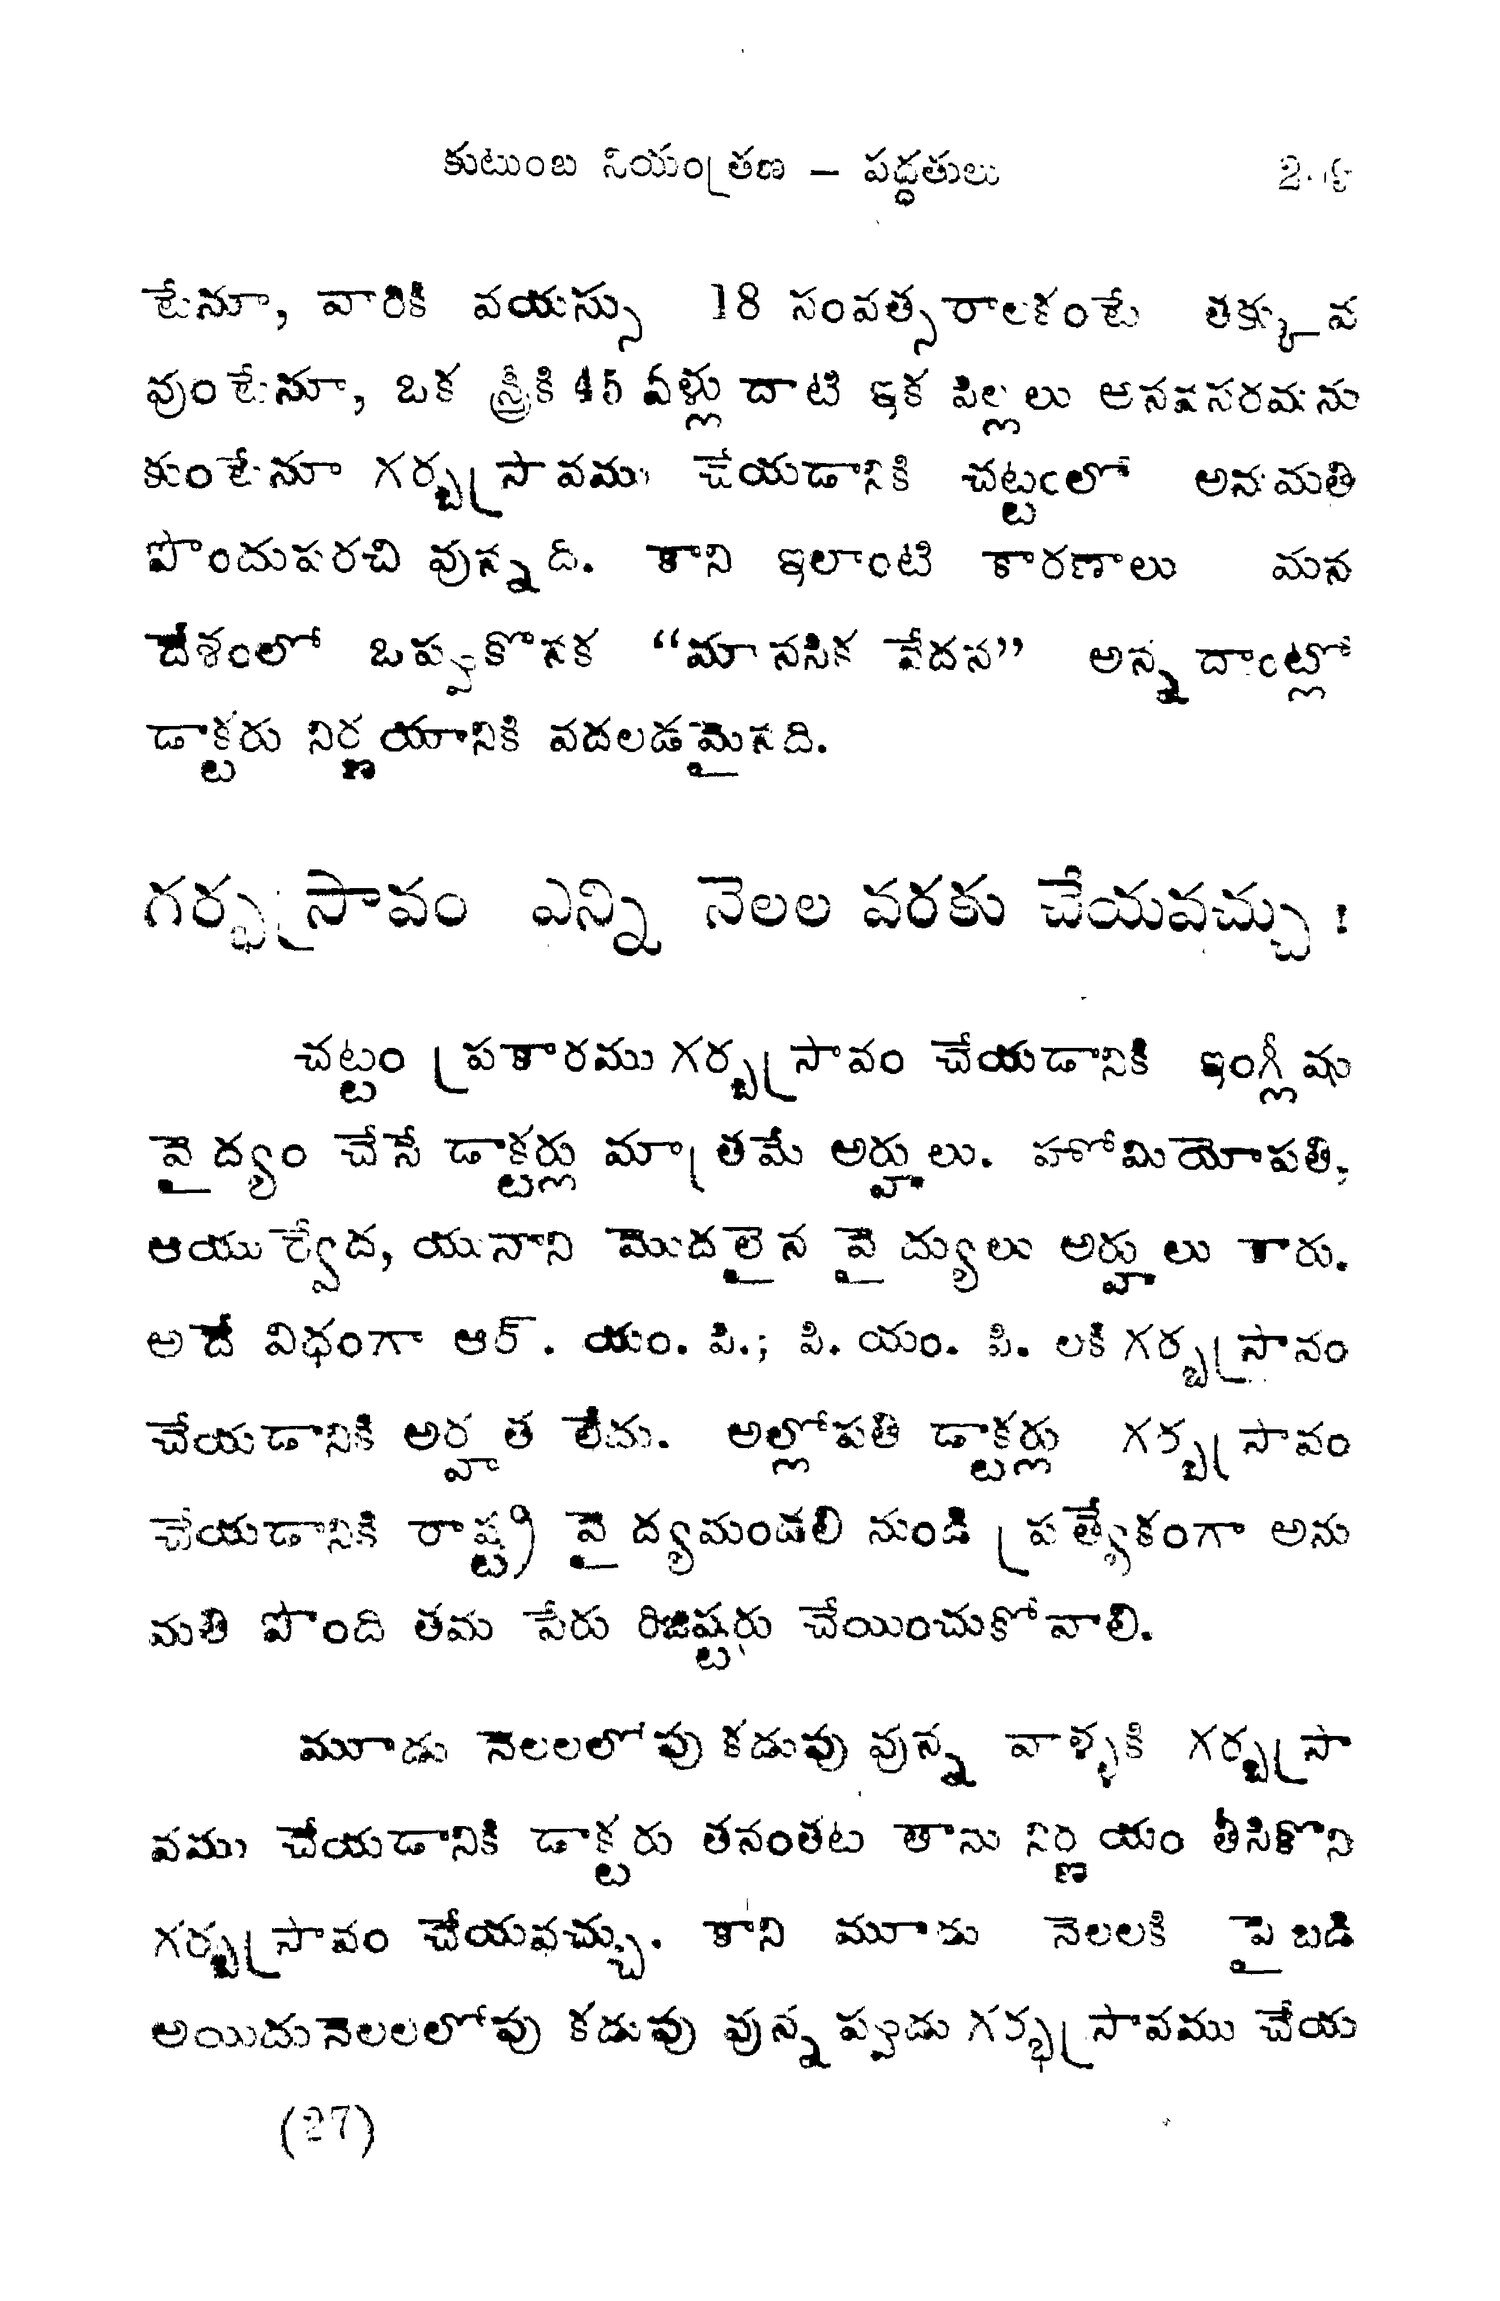టేనూ, వారికి వయస్సు 18 సంవత్సారాలకంటే తక్కువ వుంటేనూ, ఒక స్త్రీకి 45 ఏళ్ళు దాటి ఇక పిల్లలు అనవసరమను కుంటేనూ గర్భస్రావము చేయడానికి చట్టంలో అనుమతి పొందుపరచి వున్నది. కాని ఇలాంటి కారణాలు మనదేశంలో ఒప్పుకొనక “మానసిక వేదన“ అన్న దాంట్లో డాక్టరు నిర్ణయానికి వదలడమైనది.

చట్టం ప్రకారము గర్భస్రావము చేయడానికి ఇంగ్లీషు వైద్యం చేసే డాక్టర్లు మాత్రమే అర్హులు. హోమియోపతి, ఆయుర్వేద, యునాని మొదలైన వైద్యులు అర్హులు కారు. అదేవిధంగా ఆర్.యం.పి. పి.యం.పి లకి స్రావం చేయడానికి అర్హతలేదు. అల్లోపతి డాక్టర్లు గర్భస్రావం చేయడానికి రాష్ట్ర వైద్యమండలి నుండి ప్రత్యేకంగా అనుమతిపొంది తమ పేరు రిజిష్టరు చేయించుకోవాలి.

మూడు నెలలలోపు కడుపు వున్న వాళ్ళకి గర్భస్రావము చేయడానికి డాక్టరు తనంతట తాను నిర్ణయం తీసికొని గర్భస్రావం చేయవచ్చు. కాని మూడు నెలలకి పైబడి అయుదునెలలలోపు కడుపువున్నప్పుడు గర్భస్రావము చేయ-